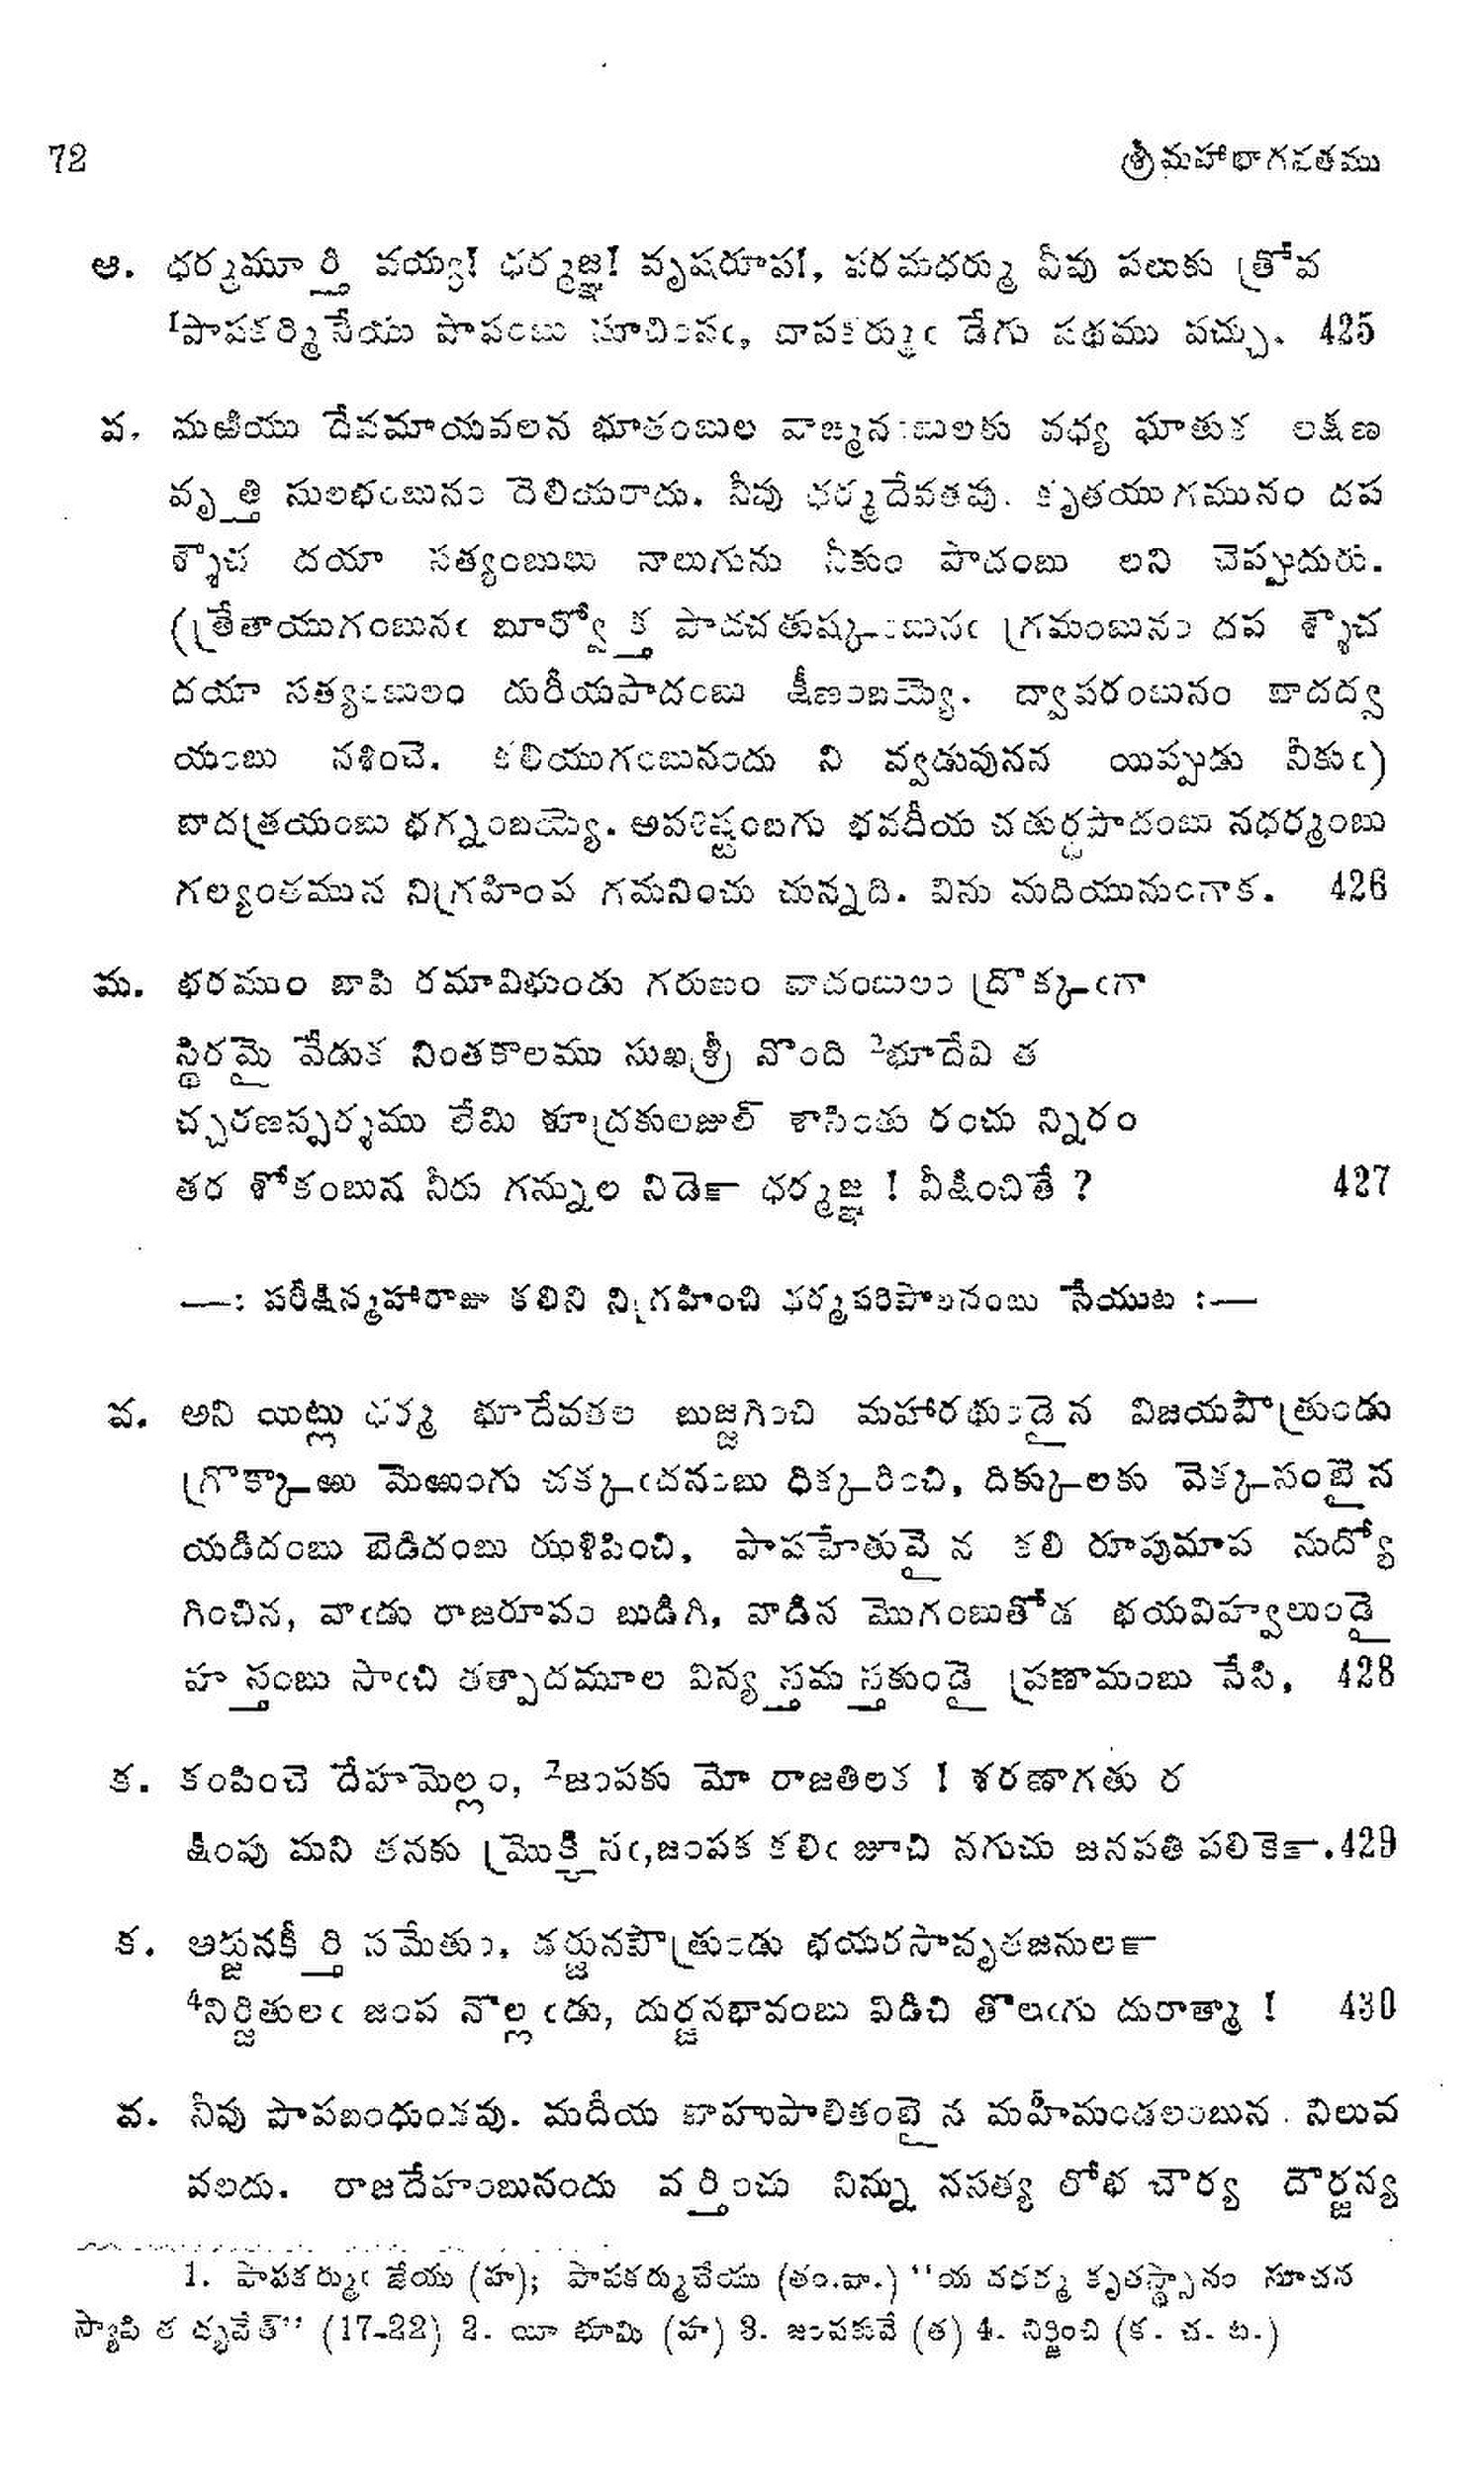72

ఆ. ధర్మమూర్తి నయ్య ! ధర్మజ్ఞ ! వృషరూప ! పరమధర్ము వీవు పలుకు త్రోవ 

పాపకర్మి సేయు పాపంబు సూచింపఁ, బాపకర్ముఁ డేగు పథకము వచ్చు. (425)

వ. మఱియు దేవమాయవలన భూతంబుల వాజ్మనంబులకు పథ్యఘాతుక లక్షణ వృత్తి సులభంబునం దెలియరాదు. నీవు ధర్మదేవతవు. కృతయుగమునం దపశ్శౌచదయా సత్యంబులు నాలుగును నీకుం పాదంబు లని చెప్పుదురు. ( త్రేతాయుగంబునఁ బూర్వోక్త పాదచతుష్కంబునఁ గ్రామంబునం దప శ్శౌచ దయా సత్యంబులం దురీయపాదంబు క్షీణంబయ్యె. ద్వాపరంబునం బాదద్వయంబు నశించె. కలి యుగంబునందు నివ్వడువునన యిప్పుడు నీకుఁ ) బాదద్వయంబు భగ్నంబయ్యె. అవశిష్టంబుగు భగదీయ చతుర్థపాదంబు నధర్మంబు గల్యంతమున నిగ్రహింప గమనించుచున్నది విను మదియునుంగాక . (426)

మ. ధర్మముం బాపి రమావిభుండు గరుణం బాదంబులం ద్రొక్కఁగా

స్థిరమై వేడుక నింతకాలము సుఖశ్రీ నొంది భూదేవి త

చ్చరణస్పర్శము లేమి శూద్రకులజుల్ శాసింతు రంచు న్నిరం

తర శోకంబున నీరు గన్నుల నిడెన్ ధర్మజ్ఞ ! వీక్షించితే ? (427) 

వ. అని యిట్లు ధర్మ భూదేవతల బుజ్జగించి మహారథుండైన విజయపౌత్రుండు గ్రొక్కాఱు మెఱుంగు చక్కఁదనంబు ధిక్కరించి, దిక్కులకు వెక్కసంబైన యడిదంబు బెడిదంబు ఝళిపించి, పాపహేతువైన కలి రూపమాప నుద్యోగించిన, వాఁడు రాజరూపం బుడిగి, వాడిన మొగంబుతోడ భయవిహ్వలుండై హస్తంబుసాఁచి తత్పాదమూల విన్యస్తమస్తకుండై ప్రణామంబు సేసి, (428)

క. కంపించె దేహమెల్లం, జంపకు మో రాజితిలక ! శరణాగతు ర

క్షింపు మని తనకు మ్రొక్కినఁ, జంపక కలిఁ జూచి నగుచు జనపతి పలికెన్ (429)

క. అర్జునకీర్తి సమేతుం డర్జునపౌత్రుండు భయరసావృతజనులన్ 

నిర్జతులఁ జంప నొల్లఁడు, దుర్జనభావంబు విడిచి తొలఁగు దురాత్మా ! (430)

వ. నీవు పాపబంధుండవు. మదీయ బాహుపాలితంబైన మహీమండలంబున నిలువ వలదు. రాజదేహంబునందు వర్తించు నిన్ను నసత్య లోభ చౌర్య దౌర్జన్య